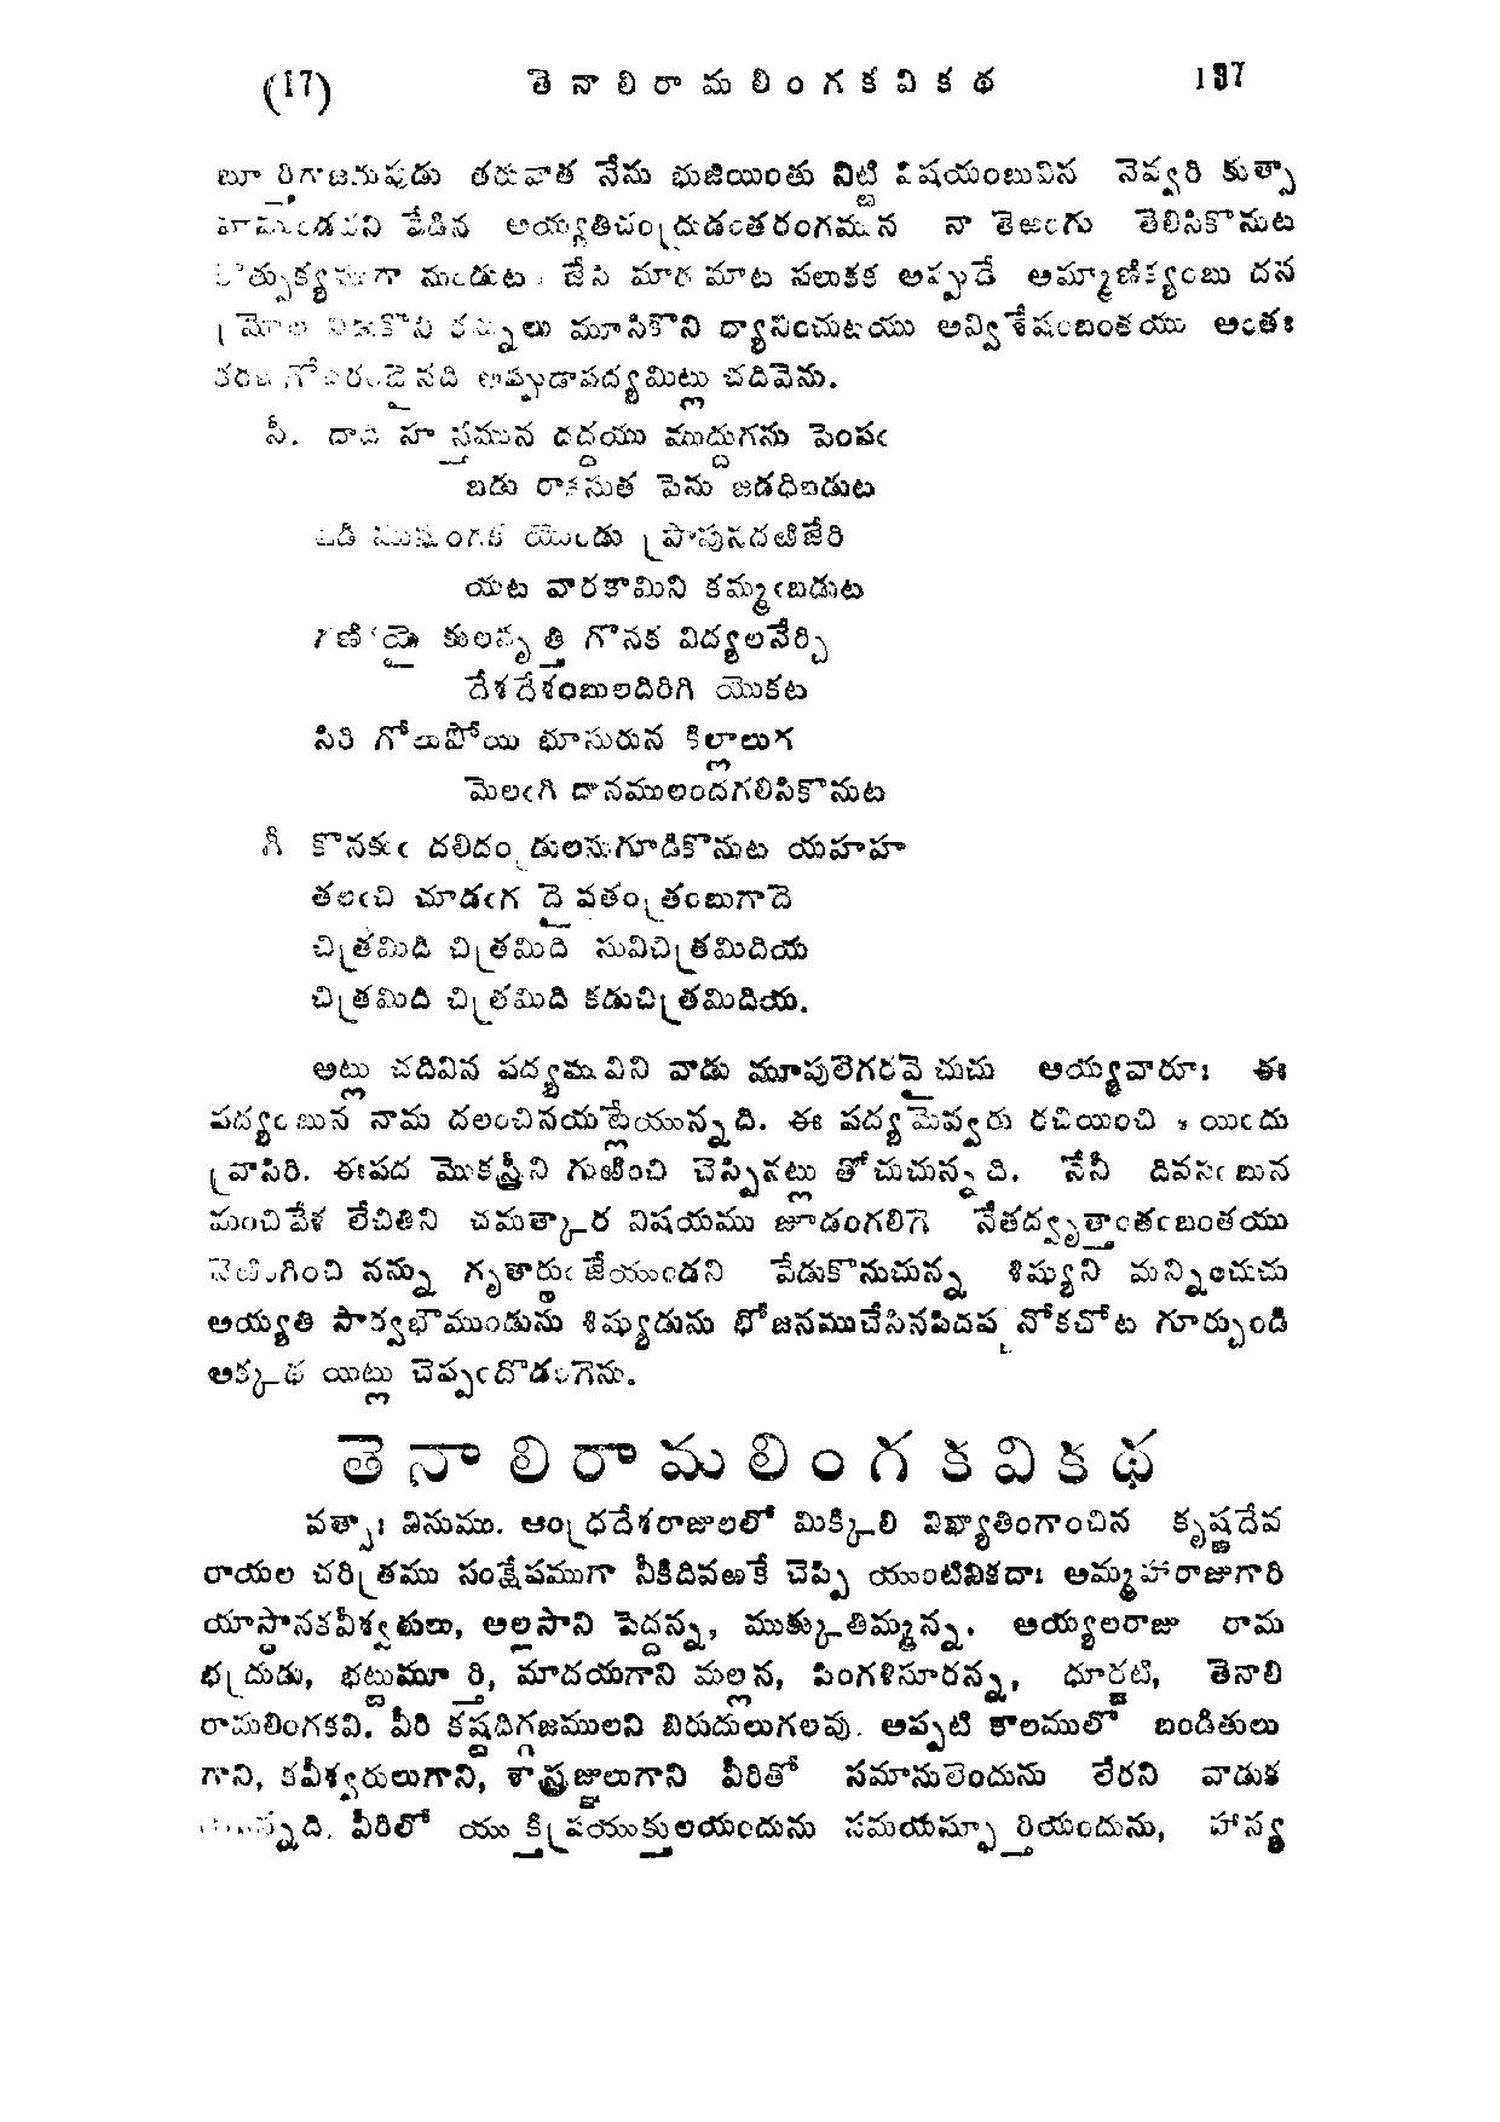బూర్తిగాజదువుడు తరువాత నేను భుజియింతు నిట్టి విషయంబువిన నెవ్వరి కుత్సాహముండదని వేడిన అయ్యతిచంద్రు డంతరంగమున నా తెఱంగు తెలిసికొనుట కౌత్సుక్యముగా నుండుటం జేసి మారుమాట పలుకక అప్పుడే అమ్మాణిక్యంబు దన మ్రోల నిడుకొని కన్నులు మూసికొని ధ్యానించుటయు అవ్విశేషంబంతయు అంతఃకరణగోచరంబైనది అప్పుడా పద్యమిట్లు చదివెను.

సీ. దాది హస్తమున దద్దయు ముద్దుగను పెంపఁ
 బడు రాచసుత పెను జడధిబడుట
 పడి మునుంగక యొండు ప్రాపున దఱిజేరి
 యట వారకామిని కమ్మఁబడుట
 గణికయై కులవృత్తి గొనక విద్యల నేర్చి
 దేశదేశంబుల దిరిగి యొకట
 సిరి గోలుపోయి భూసురున కిల్లాలుగ
 మెలఁగి దానములంద గలిసికొనుట
గీ. కొనకుఁ దలిదండ్రులను గూడికొనుట యహహ
 తలఁచి చూడఁగ దైవతంత్రంబుగాదె
 చిత్రమిది చిత్రమిది సువిచిత్రమిదియ
 చిత్రమిది చిత్రమిది కడుచిత్రమిదియ.
అట్లు చదివిన పద్యము విని వాడు మూపు లెగరవైచుచు అయ్యవారూ! ఈ పద్యంబున నామ దలంచినయట్లేయున్నది. ఈ పద్యమెవ్వరు రచియించి యిందు వ్రాసిరి. ఈపద్య మొకస్త్రీని గుఱించి చెప్పినట్లు తోచుచున్నది. నేనీ దివసంబున మంచివేళ లేచితిని చమత్కార విషయము జూడంగలిగె నేతద్వృత్తాంతఁబంతయు నెఱింగించి నన్ను గృతార్థుఁ జేయుండని వేడుకొనుచున్న శిష్యుని మన్నించుచు అయ్యతి సార్వభౌముండును శిష్యుడును భోజనముచేసినపిదప నొకచోట గూర్చుండి
అక్కథ యిట్లు చెప్పఁదొడంగెను.

తెనాలిరామలింగకవి కథ

వత్సా! వినుము. ఆంధ్రదేశరాజులలో మిక్కిలి విఖ్యాతింగాంచిన కృష్ణదేవరాయల చరిత్రము సంక్షేపముగా నీకిదివఱకే చెప్పి యుంటినికదా! అమ్మహారాజుగారి యాస్థానకవీశ్వరులు, అల్లసాని పెద్దన్న, ముక్కుతిమ్మన్న, అయ్యలరాజు రామభద్రుడు, భట్టుమూర్తి, మాదయగాని మల్లన, పింగళిసూరన్న, ధూర్జటి, తెనాలి రామలింగకవి. వీరి కష్టదిగ్గజములని బిరుదులుగలవు. అప్పటి కాలములో బండితులు గాని, కవీశ్వరులుగాని, శాస్త్రజ్ఞులుగాని వీరితో సమాను లెందును లేరని వాడుక యున్నది. వీరిలో యుక్తిప్రయుక్తులయందును సమయస్ఫూర్తియందును, హాస్య